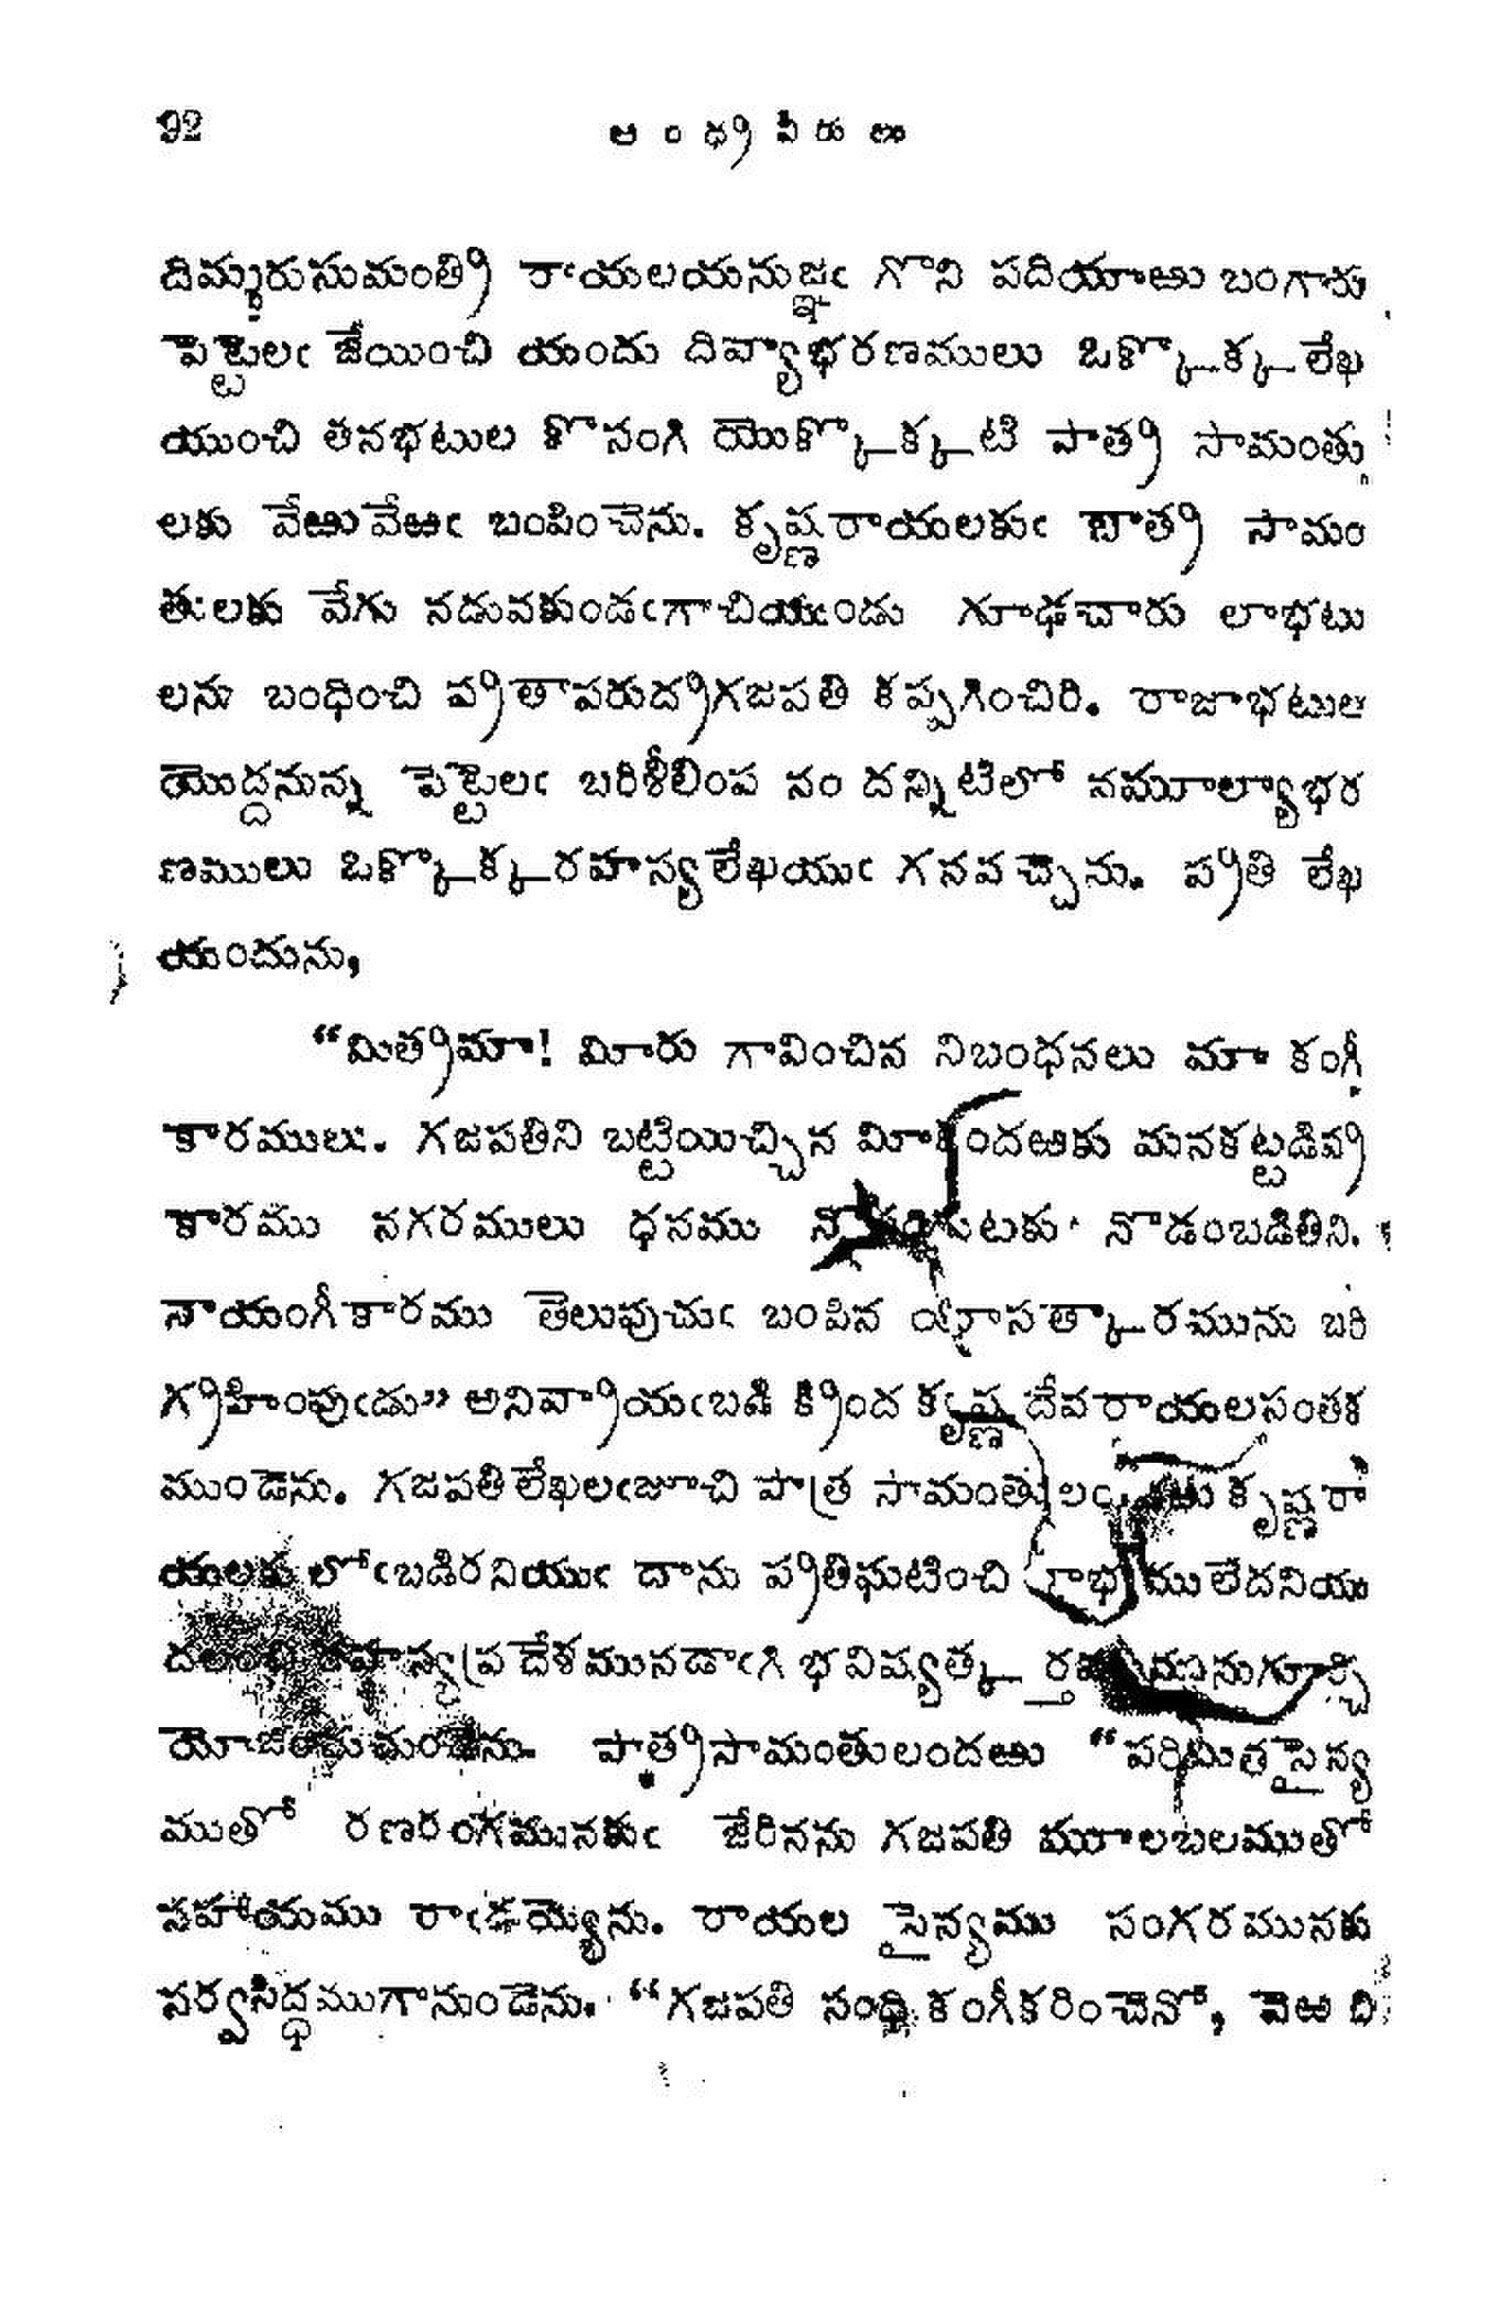దిమ్మరుసుమంత్రి రాయలయనుజ్ఞ గొని పదియాఱు బంగారుపెట్టెల జేయించి యందు దివ్యాభరణములు ఒక్కొక్కలేఖయుంచి తనభటుల కొసంగి యొక్కొక్కటి పాత్ర సామంతులకు వేఱువేఱ బంపించెను. కృష్ణరాయలకు బాత్ర సామంతులకు వేగు నడువకుండగాచియుండు గూడాచారు లాభటులను బంధించి ప్రతాపరుద్రగజపతి కప్పగించిరి. రాజాభటుల యొద్దనున్న పెట్టెల బరిశీలింప నం దన్నిటిలో నమూల్యాభరణములు ఒక్కొక్కరహస్యలేఖయు గనవచ్చెను. ప్రతి లేఖయందును.

"మిత్రమా! మీరు గావించిన నిబంధనలు మా కంగీకారములు. గజపతిని బట్టియిచ్చిన మీకందఱకు మనకట్టడిప్రకారము నగరములు ధనము నొసంగుటకు నొడంబడితిని. నాయంగీకారము తెలుపుచు బంపిన యాసత్కారమును బరిగ్రహింపుడు" అనివ్రాయబడి క్రింద కృష్ణదేవరాయలసంతకముండేను. గజపతిలేఖలజూచి పాత్ర సామంతులందఱు కృష్ణరాయలకులోబడిరనియు దాను ప్రతిఘటించి లాభములేదనియు దలంచి రహస్య ప్రదేశమునడాగి భవిష్యత్కర్తవ్యమునుగూర్చి యోచించుచుండెను. పాత్రసామంతులందఱు "పరిమితసైన్యముతో రణరంగమునకు జేరినను గజపతి మూలబలముతో సహాయము రాడయ్యెను. రాయల సైన్యము సంగరమునకు సర్వసిద్ధముగానుండెను. "గజపతి సంధి కంగీకరించెనో, వెఱచి